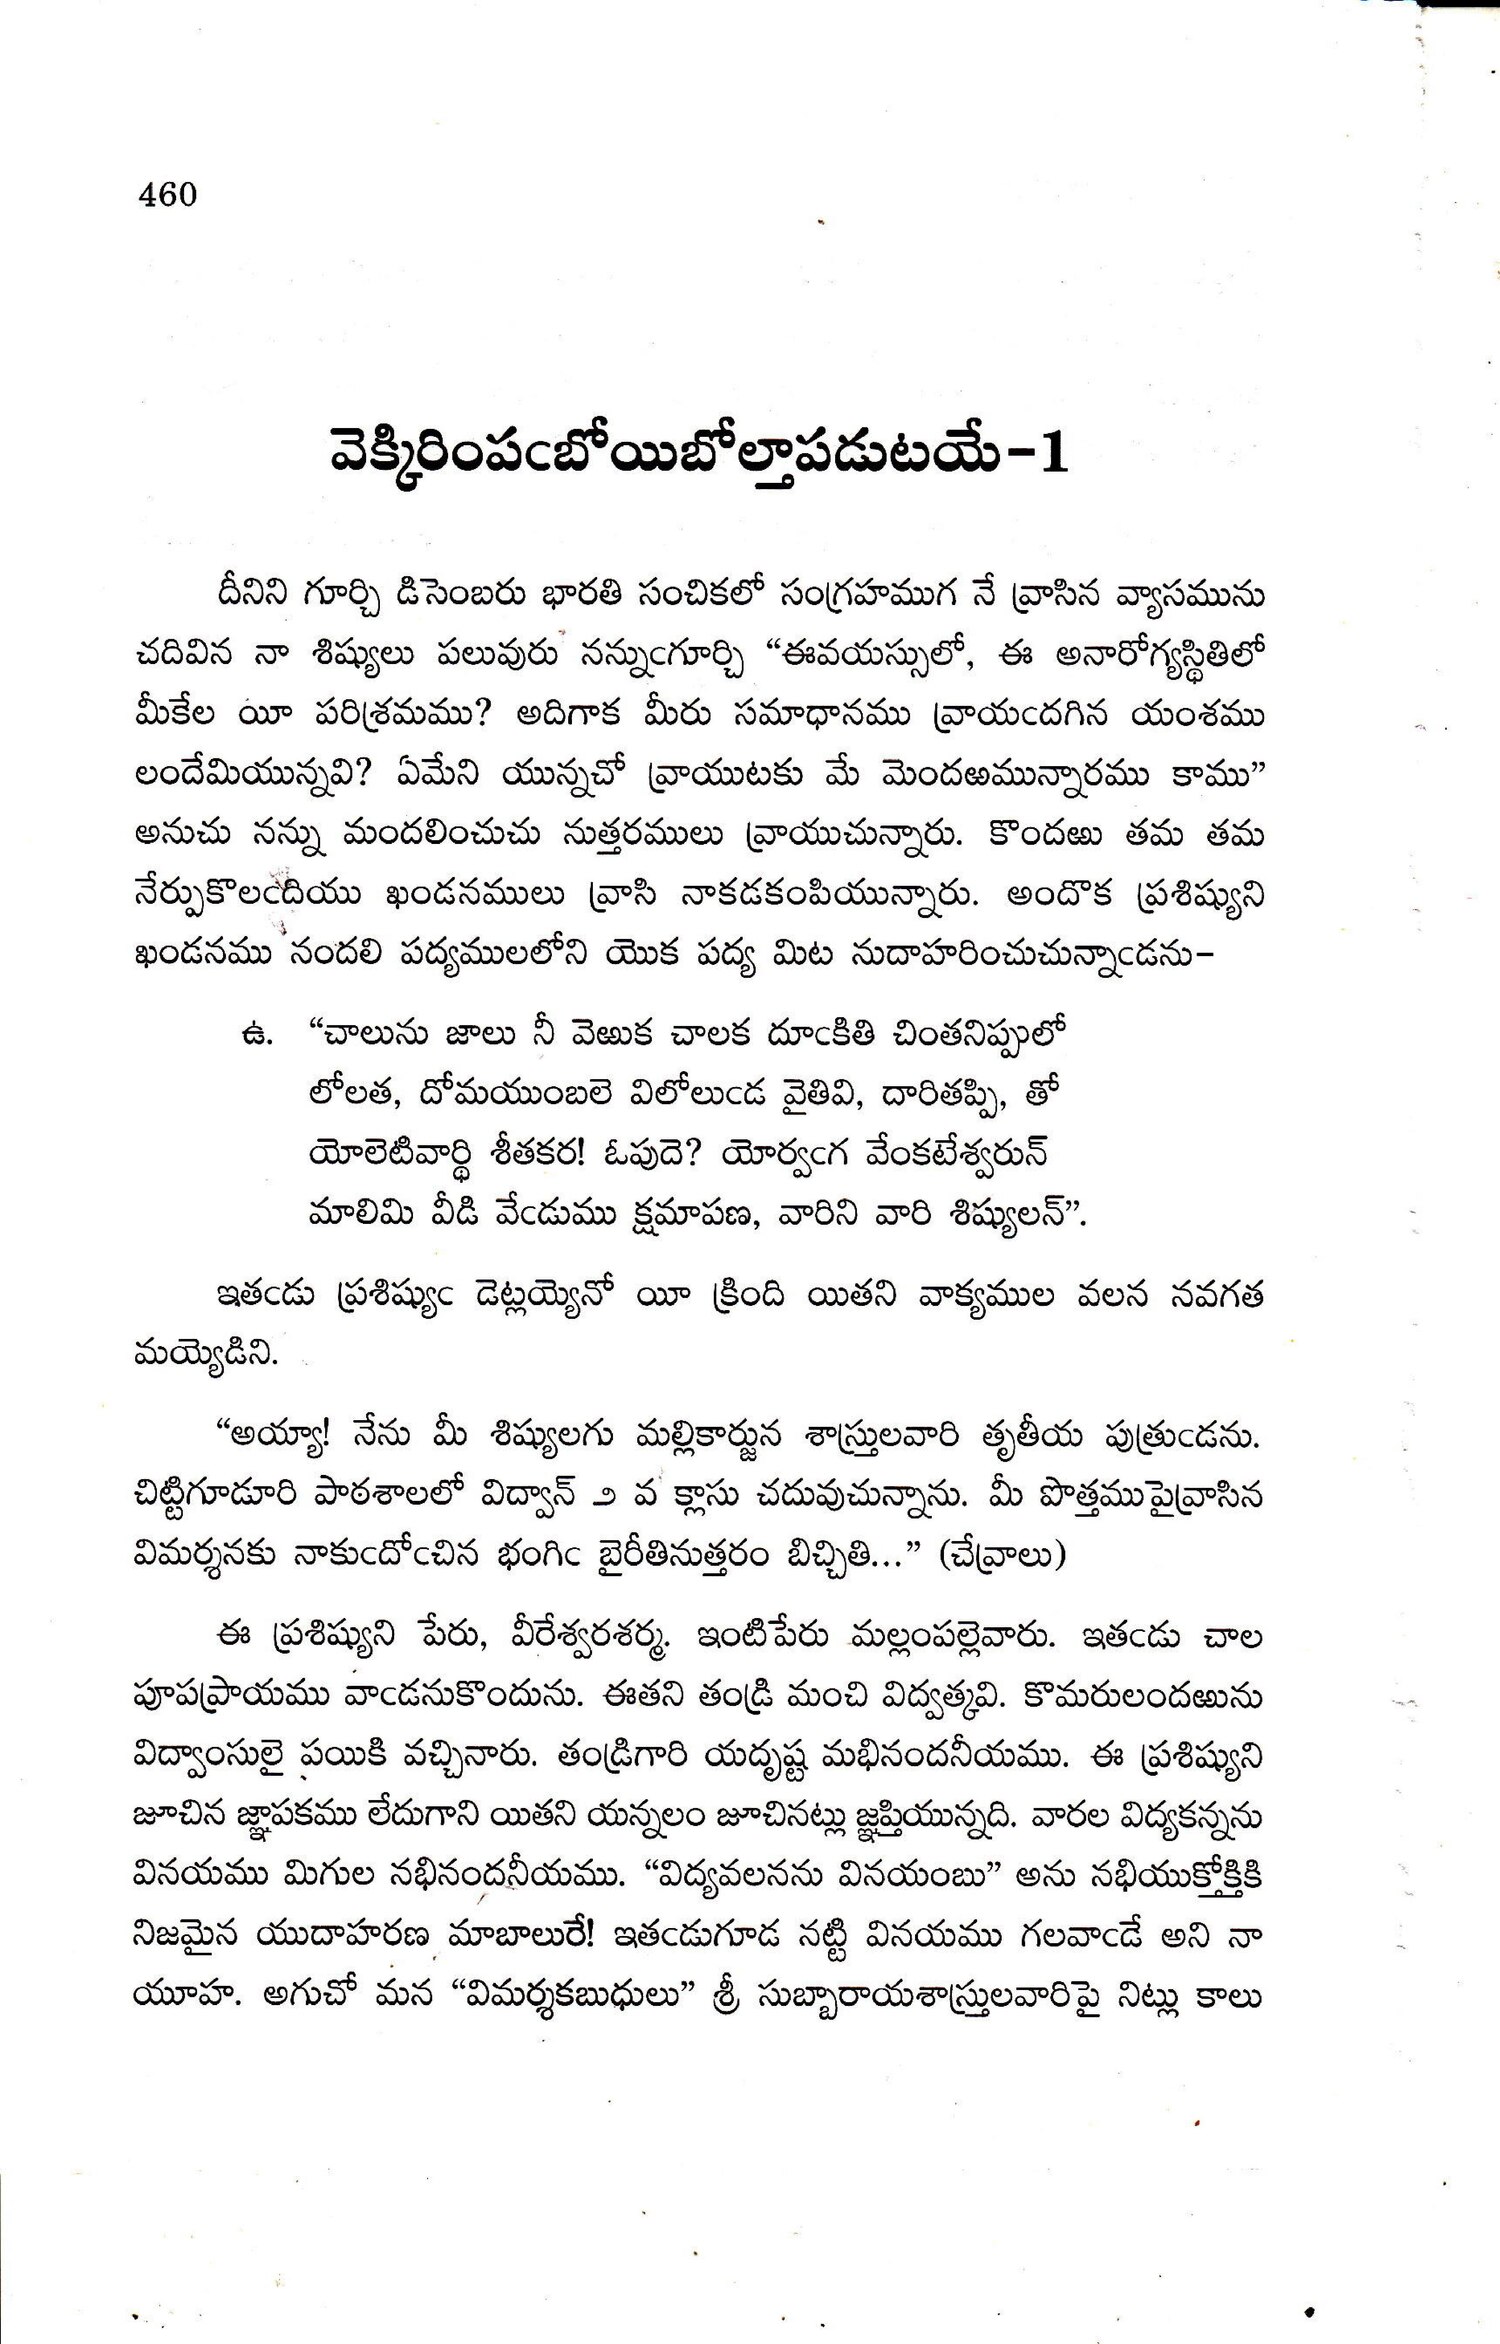వెక్కిరింపఁబోయిబోల్తాపడుటయే-1

దీనిని గూర్చి డిసెంబరు భారతి సంచికలో సంగ్రహముగ నే వ్రాసిన వ్యాసమును చదివిన నా శిష్యులు పలువురు నన్నుఁగూర్చి “ఈవయస్సులో, ఈ అనారోగ్యస్థితిలో మీకేల యీ పరిశ్రమము? అదిగాక మీరు సమాధానము వ్రాయఁదగిన యంశము లందేమియున్నవి? ఏమేని యున్నచో వ్రాయుటకు మే మెందఱమున్నారము కాము" అనుచు నన్ను మందలించుచు నుత్తరములు వ్రాయుచున్నారు. కొందఱు తమ తమ నేర్పుకొలఁదియు ఖండనములు వ్రాసి నాకడకంపియున్నారు. అందొక ప్రశిష్యుని ఖండనము నందలి పద్యములలోని యొక పద్య మిట నుదాహరించుచున్నాఁడను

ఉ. “చాలును జాలు నీ వెఱుక చాలక దూఁకితి చింతనిప్పులో 
 లోలత, దోమయుంబలె విలోలుఁడ వైతివి, దారితప్పి, తో 
 యోలెటివార్థి శీతకర! ఓపుదె? యోర్వఁగ వేంకటేశ్వరున్ 
 మాలిమి వీడి వేఁడుము క్షమాపణ, వారిని వారి శిష్యులన్",
ఇతఁడు ప్రశిష్యుఁ డెట్లయ్యెనో యీ క్రింది యితని వాక్యముల వలన నవగత మయ్యెడిని.

“అయ్యా! నేను మీ శిష్యులగు మల్లికార్జున శాస్త్రులవారి తృతీయ పుత్రుఁడను. చిట్టిగూడూరి పాఠశాలలో విద్వాన్ 2 వ క్లాసు చదువుచున్నాను. మీ పొత్తముపైవ్రాసిన విమర్శనకు నాకుఁదోఁచిన భంగిఁ బైరీతినుత్తరం బిచ్చితి..." (చేవ్రాలు)

ఈ ప్రశిష్యుని పేరు, వీరేశ్వరశర్మ ఇంటిపేరు మల్లంపల్లెవారు. ఇతఁడు చాల పూపప్రాయము వాఁడనుకొందును. ఈతని తండ్రి మంచి విద్వత్కవి. కొమరులందఱును విద్వాంసులై పయికి వచ్చినారు. తండ్రిగారి యదృష్ట మభినందనీయము. ఈ ప్రశిష్యుని జూచిన జ్ఞాపకము లేదుగాని యితని యన్నలం జూచినట్లు జ్ఞప్తియున్నది. వారల విద్యకన్నను వినయము మిగుల నభినందనీయము. “విద్యవలనను వినయంబు" అను నభియుక్తోక్తికి నిజమైన యుదాహరణ మాబాలురే! ఇతఁడుగూడ నట్టి వినయము గలవాఁడే అని నా యూహ. అగుచో మన “విమర్శకబుధులు" శ్రీ సుబ్బారాయశాస్త్రులవారిపై నిట్లు కాలు